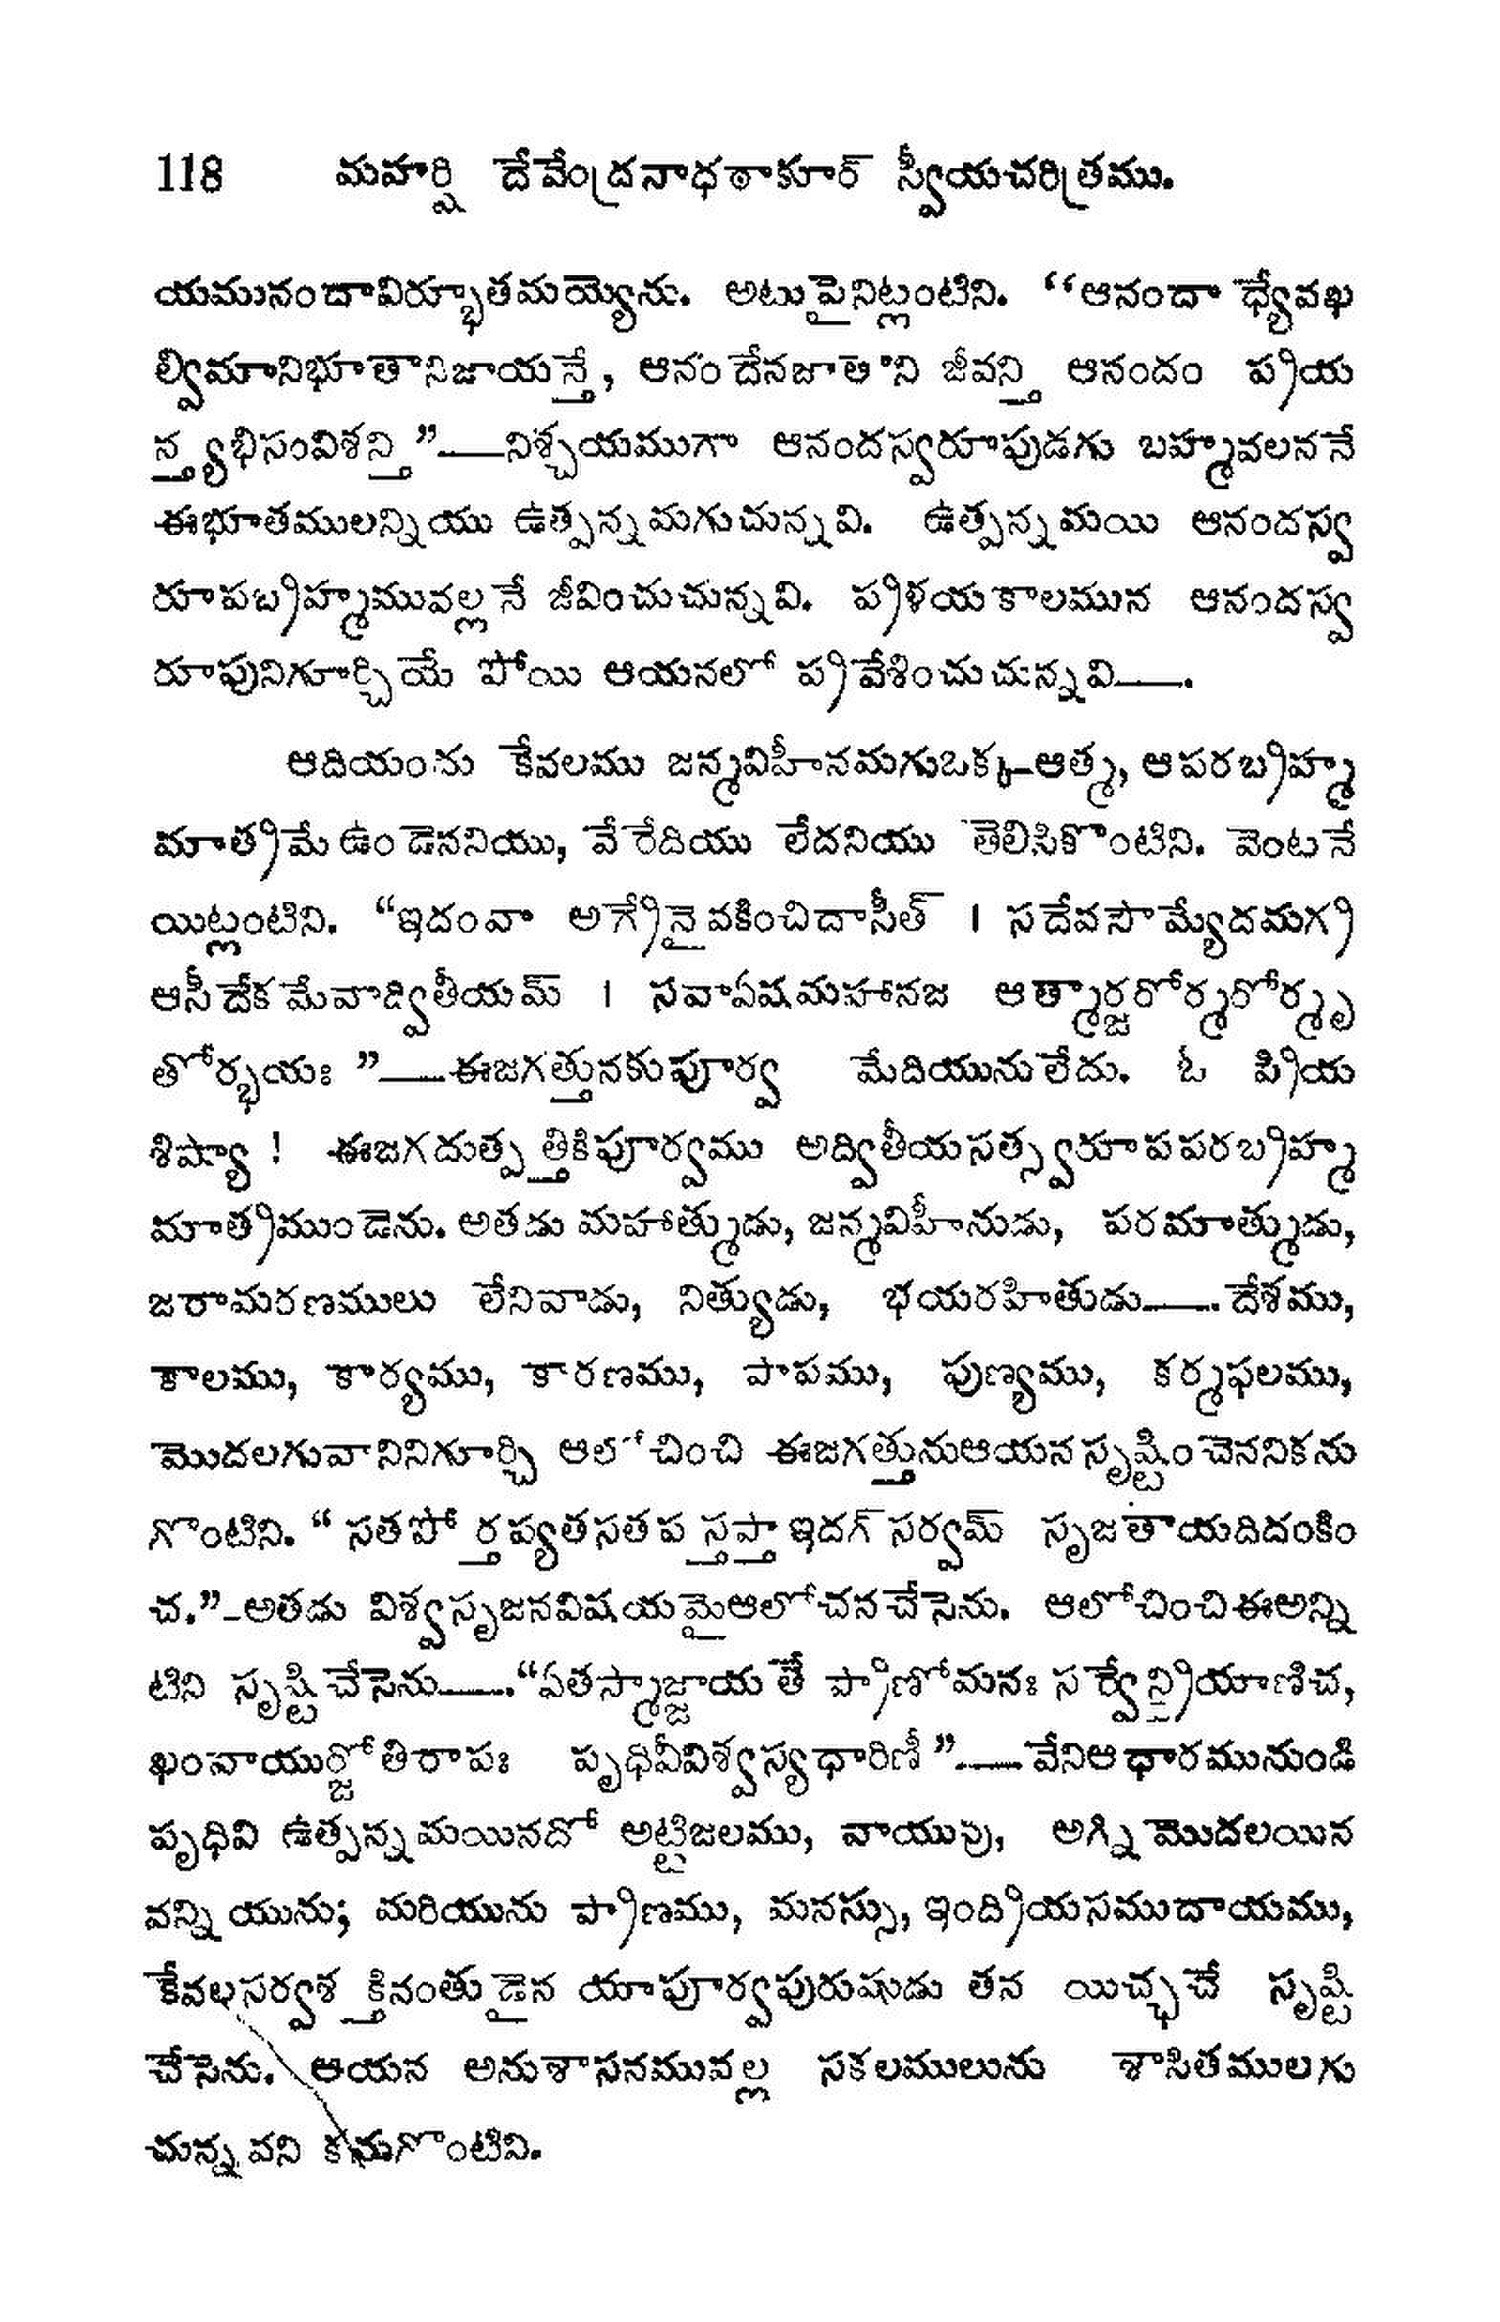యమునందావిర్భూతమయ్యెను. అటు పైనిట్లంటిని. “ఆనందా 
ధ్యేవఖల్విమాని భూతానిజాయస్తే , ఆనందేనబాతాని జీవంతి ఆనందం 
ప్రయస్త్యభిసంవిశంతి "— నిశ్చయముగా ఆనంద స్వరూపుడగు బహ్మవలననే
ఈ భూతములన్నియు ఉత్పన్నమగుచున్నవి. ఉత్పన్నమయి 
ఆనందస్వరూపబ్రహ్మమువల్లనే జీవించుచున్నవి. ప్రళయ కాలమున 
ఆనంద స్వరూపునిగూర్చియే పోయి ఆయనలో ప్రవేశించుచున్నవి.------ 

ఆదియంను కేవలము జన్మవిహీన మగుఒక్క ఆత్మ, ఆ పరబ్రహ్మమాత్రమే 
ఉండెననియు, వేరేదియు లేదనియు తెలిసికొంటిని. వెంటనేయిట్లంటిని.
“ఇదంవా అగ్రేనై వకించి దాసీత్ | సదేవ సౌమ్యేదమగ్ర ఆసీ దేక మే 
వాద్వితీయమ్ | సవాఏష మహానజ ఆత్మార్టరోర్మరోర్మృ,తోర్భయః ” _ 
ఈజగత్తునకు పూర్వ మేదియును లేదు. ఓ ప్రియశిష్యా ! ఈజగదుత్పత్తికి 
పూర్వము అద్వితీయ సత్స్వరూప పరబ్రహ్మ మాత్రముండెను. అతడు మహాత్ముడు,జన్మవిహీనుడు, పరమాత్ముడు,జరామరణములు లేనివాడు, 
నిత్యుడు, భయరహితుడు... దేశము, కాలము, కార్యము, కారణము, పాపము, 
పుణ్యము, కర్మఫలము,మొదలగు వానినిగూర్చి ఆలోచించి ఈజగత్తును ఆయన సృష్టించెనని కనుగొంటిని. “ సత పోర ప్యత సతప స్తప్తా ఇదగ్ సర్వమ్ సృజతాయదిదంకించ.” అతడు విశ్వసృజనవిషయమై ఆలోచన చేసెను. ఆలోచించి
 ఈ అన్నిటీని సృష్టి చేసెను...... పత స్మాజాయతే ప్రాశోమనః సర్వేంరియాణిచ,ఖంవాయురోతిరాపః పృథివీ విశ్వస్య ధారిణీ "..... 
వేనిఆధారమునుండి పృధివి ఉత్పన్న మయినదో అట్టి జలము, వాయువు, 
అగ్ని మొదలయిన వన్నియును; మరియును ప్రాణము, మనస్సు, ఇంద్రియ సముదాయము, కేవల సర్వశక్తినంతుడైన యూపూర్వపురుషుడు తన యిచ్ఛచే 
సృష్టిచేసెను. ఆయన అనుశాసనమువల్ల సకలములును శాసితములగు
చున్నవని కనుగొంటివి.